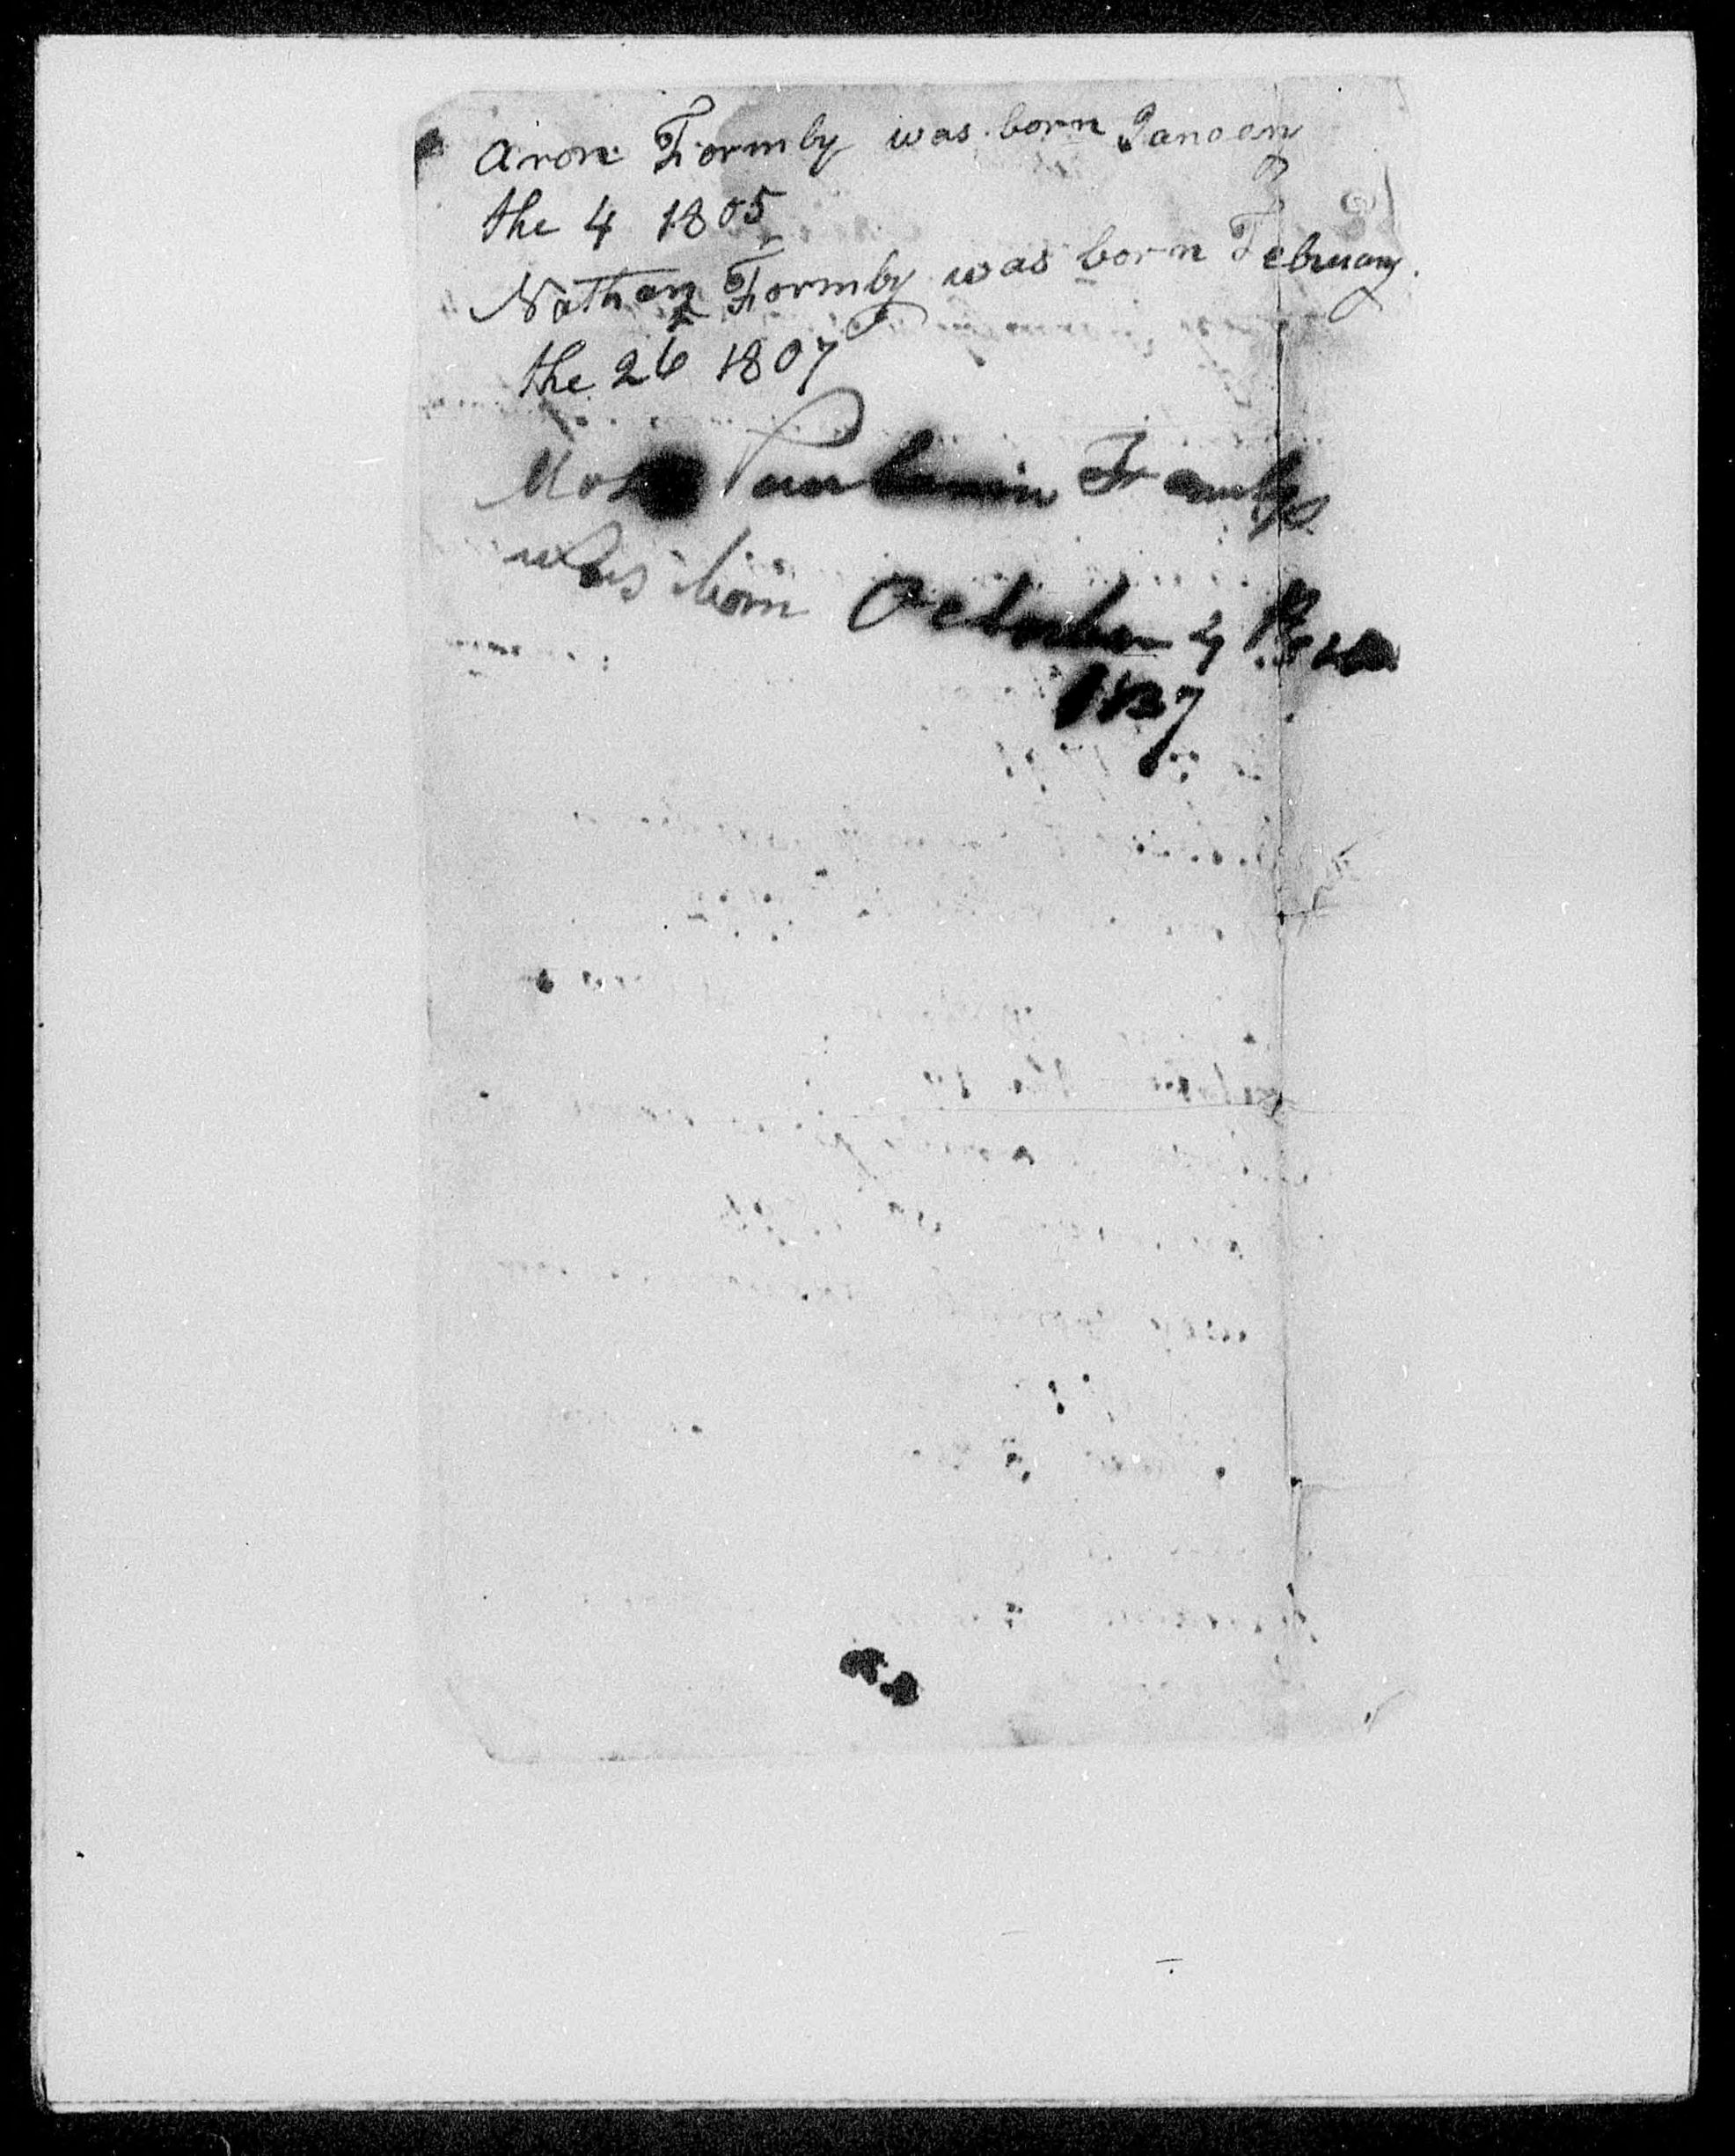Aron Formby was born January the 4 1805
Nathan Formby was born February the 26 1807
M[illegible] [illegible: Paulinia ?] Formby was born October 4th [illegible]7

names: Paulinia Formby, Nathan Formby, Aron Formby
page: 18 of 54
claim: widow's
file: W. 3794, Nathan Formby, Va.